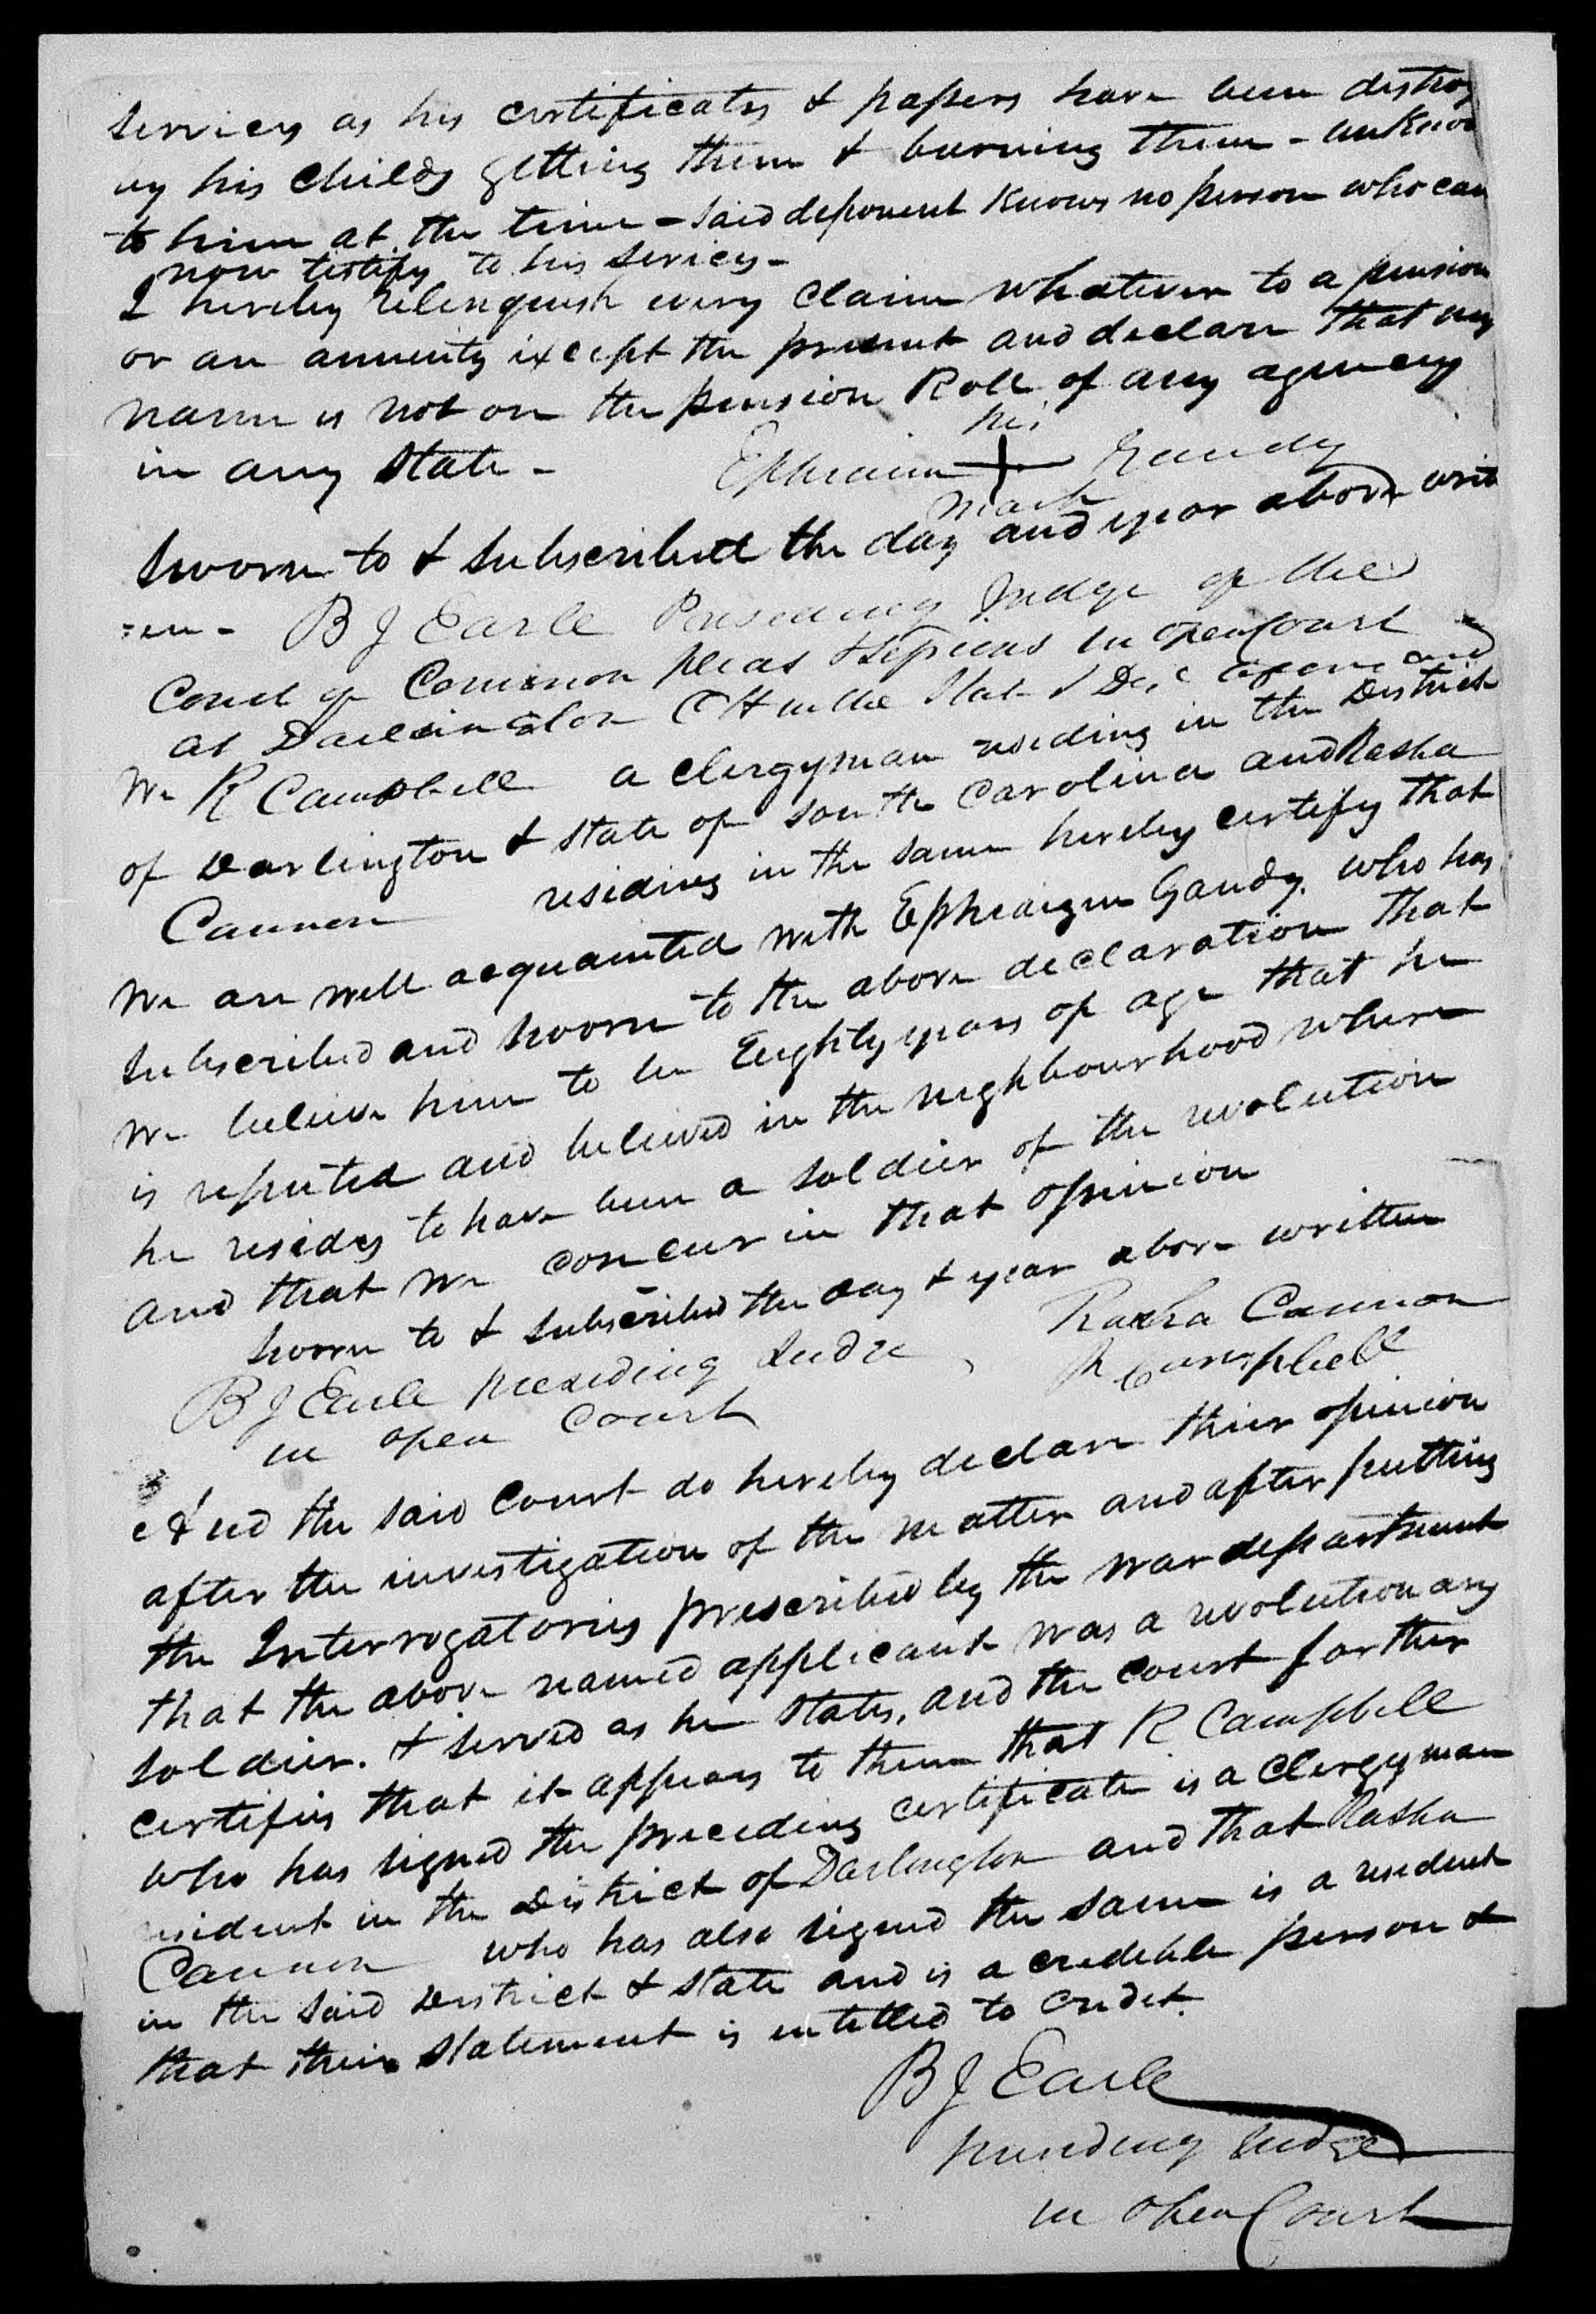Services as his certificates & papers have been destroyed by his child's getting them & burning them unknown to him at the time - said deponent known no person who can now testify to his services.

I hereby relinquish any claim whatever to a pension or an annuity except the present and declare that my name is not on the pension. Roll of any agency in any state
Ephraim X Gaudy his mark [signature]

Sworn to and subscribed the day and year above written
B J Earle Presiding Judge of the Court of Common Pleas & Sessions in open court at Darlington CH of the state aforesaid

We. R Campbell a clergyman residing in the district of Darlington & state of South Carolina and Rasha Cannon residing in the same hereby certify that we are well acquainted with Ephraim Gaudy who has subscribed and sworn to the above declaration, that we believe him to be eighty years of age that he is reputed and believed in the neighborhood where he resides to have been a soldier of the revolution and that we concur in that opinion

Sworn to and subscribed the day and year above written
Rasha Cannon
R. Campbell
B J Earle Presiding Judge in open court [signatures]

And the said court do hereby declare their opinion after investigation of the matter and after putting the interrogatories prescribed by the war department that the above-named was a revolutionary soldier and served as he states, and the court further certifies that it appears to them that R. Campbell who has signed the preceding certificate is a clergyman resident in the district of Darlington and that Rasha Cannon who has also signed the same is a resident in the said district & state and is a credible person & that their statement is entitled to credit.

B J Earle Presiding Judge in open court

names: Ephraigm Gaudy, B J Earle, B J Earle, Ephraim Gaudy, Rasha Cannon, B J Earle, R Campbell, Rasha Cannon, R Campbell, R Campbell, Rasha Cannon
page: 5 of 12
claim: survivor's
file: S. 17971, Ephraim Gaudy, N.C. S.C.